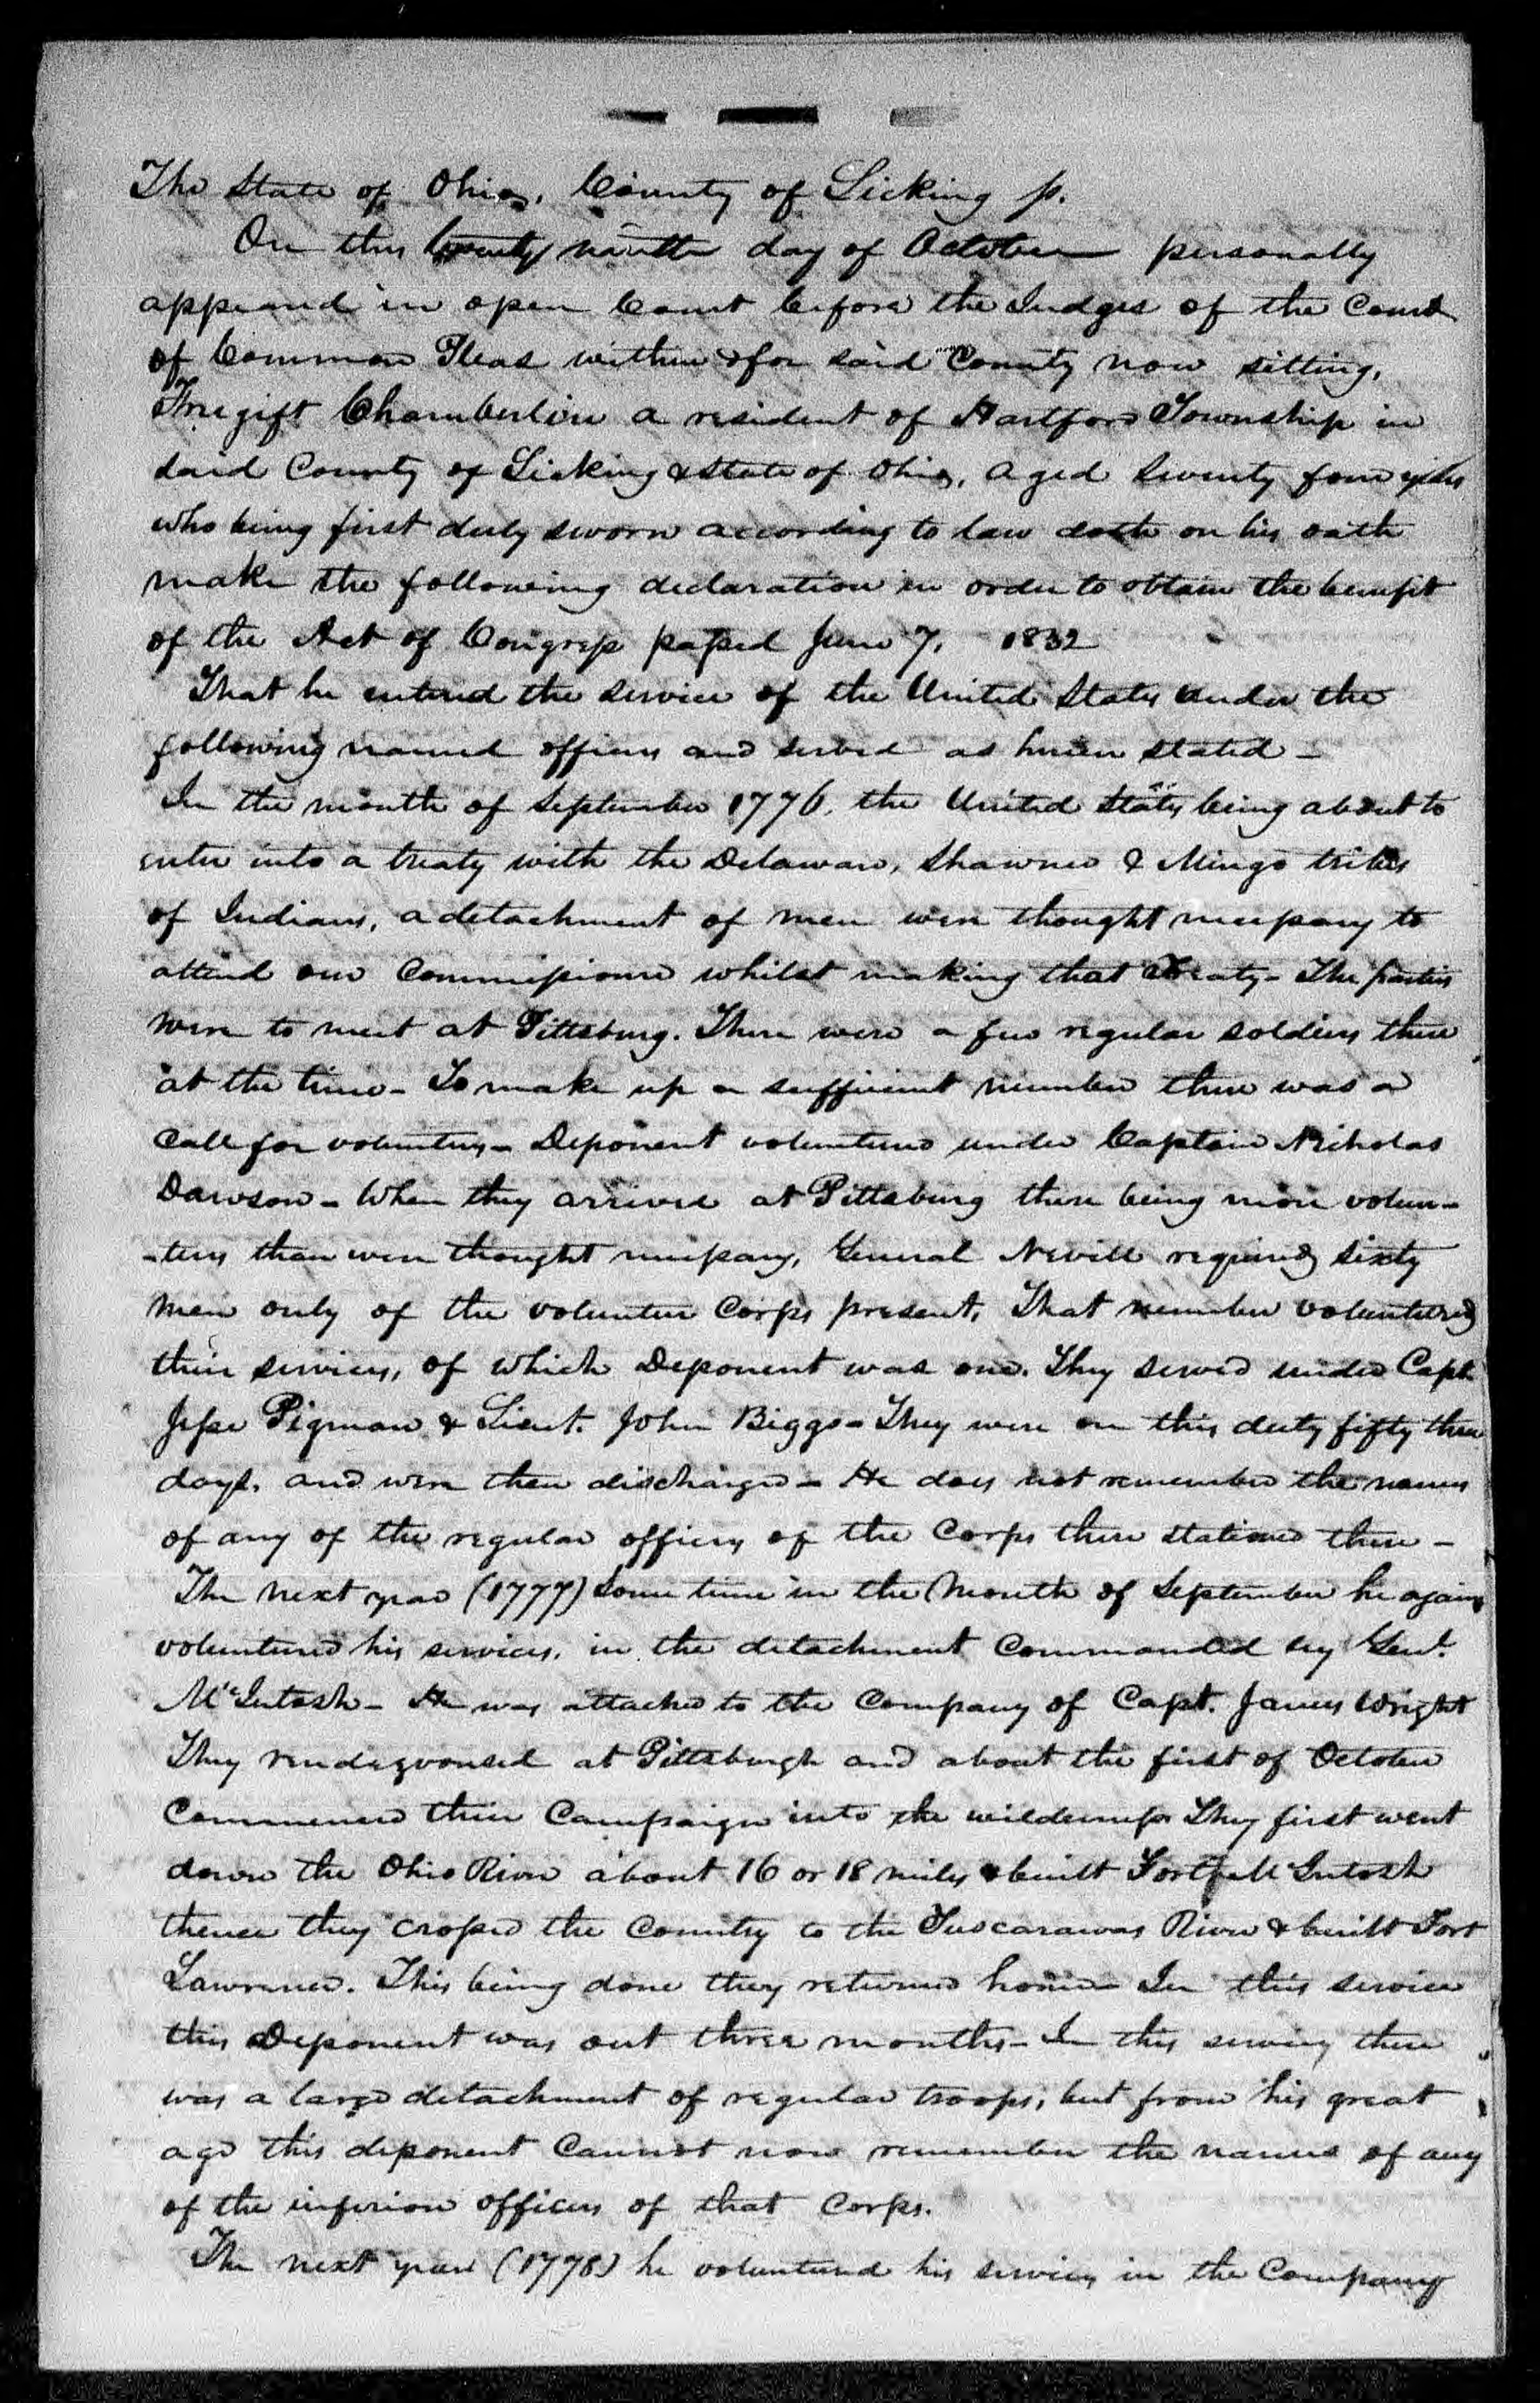The State of Ohio, County of Licking Ss  
On this twenty ninth day of October personally appeared in open Court before the Judges of the Court of Common Pleas within & for said County now sitting Freegift Chamberlin a resident of Hartford Township in said County of Licking & State of Ohio, aged Seventy four who being first duly sworn according to law doth on his oath make the following declaration in order to obtain the benefit of the Act of Congress passed June 7, 1832      
That he entered the service of the United States under the following named officers and served as herein stated -   
In the month of September 1776, the United States being about to enter into a treaty with the Delaware, Shawnee & Mingo tribes of Indians, a detachment of men were thought necessary to attend our commissioner whilst making that Treaty - The parties were to meet at Pittsburg. There were a few regular soldiers there at the time. To make up a sufficient number there was a call for volunteers - Deponent volunteered under Captain Nicholas Dawson - when they arrived at Pittsburg then being more volunteers than were thought necessary, General Nevill required sixty men only of the volunteer corps present. That number volunteering their services, of which deponent was one. They served under Capt Jesse Pigman & Lieut. John Biggs. They were on this duty fifty three days, and were then discharged. He does not remember the names of any of the regular officer of the corps there stationed there - The next year (1777) some time in the month of September he again volunteered his services in the detachment commanded by Genl McIntosh - He was attached to the company of Capt. James Wright They rendezvoused at Pittsburgh and about the first of October commenced their campaign into the wilderness they first went down the Ohio River about 16 or 18 miles & built fort McIntosh thence they crossed the country to the Tuscarawas River & built Fort Lawrence. This being done they returned home in this service this deponent was out three months. In this service there was a large detachment of regular troops, but from his great age this deponent cannot now remember the names of any of the inferior officers of that corps.     
The next year (1778) he volunteered his service in the Company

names: James Wright, Mc Intosh, John Biggs, Nicholas Dawson, Jesse Pigman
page: 4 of 18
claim: survivor's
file: S. 3151, Freegift Chamberlain, Penn.